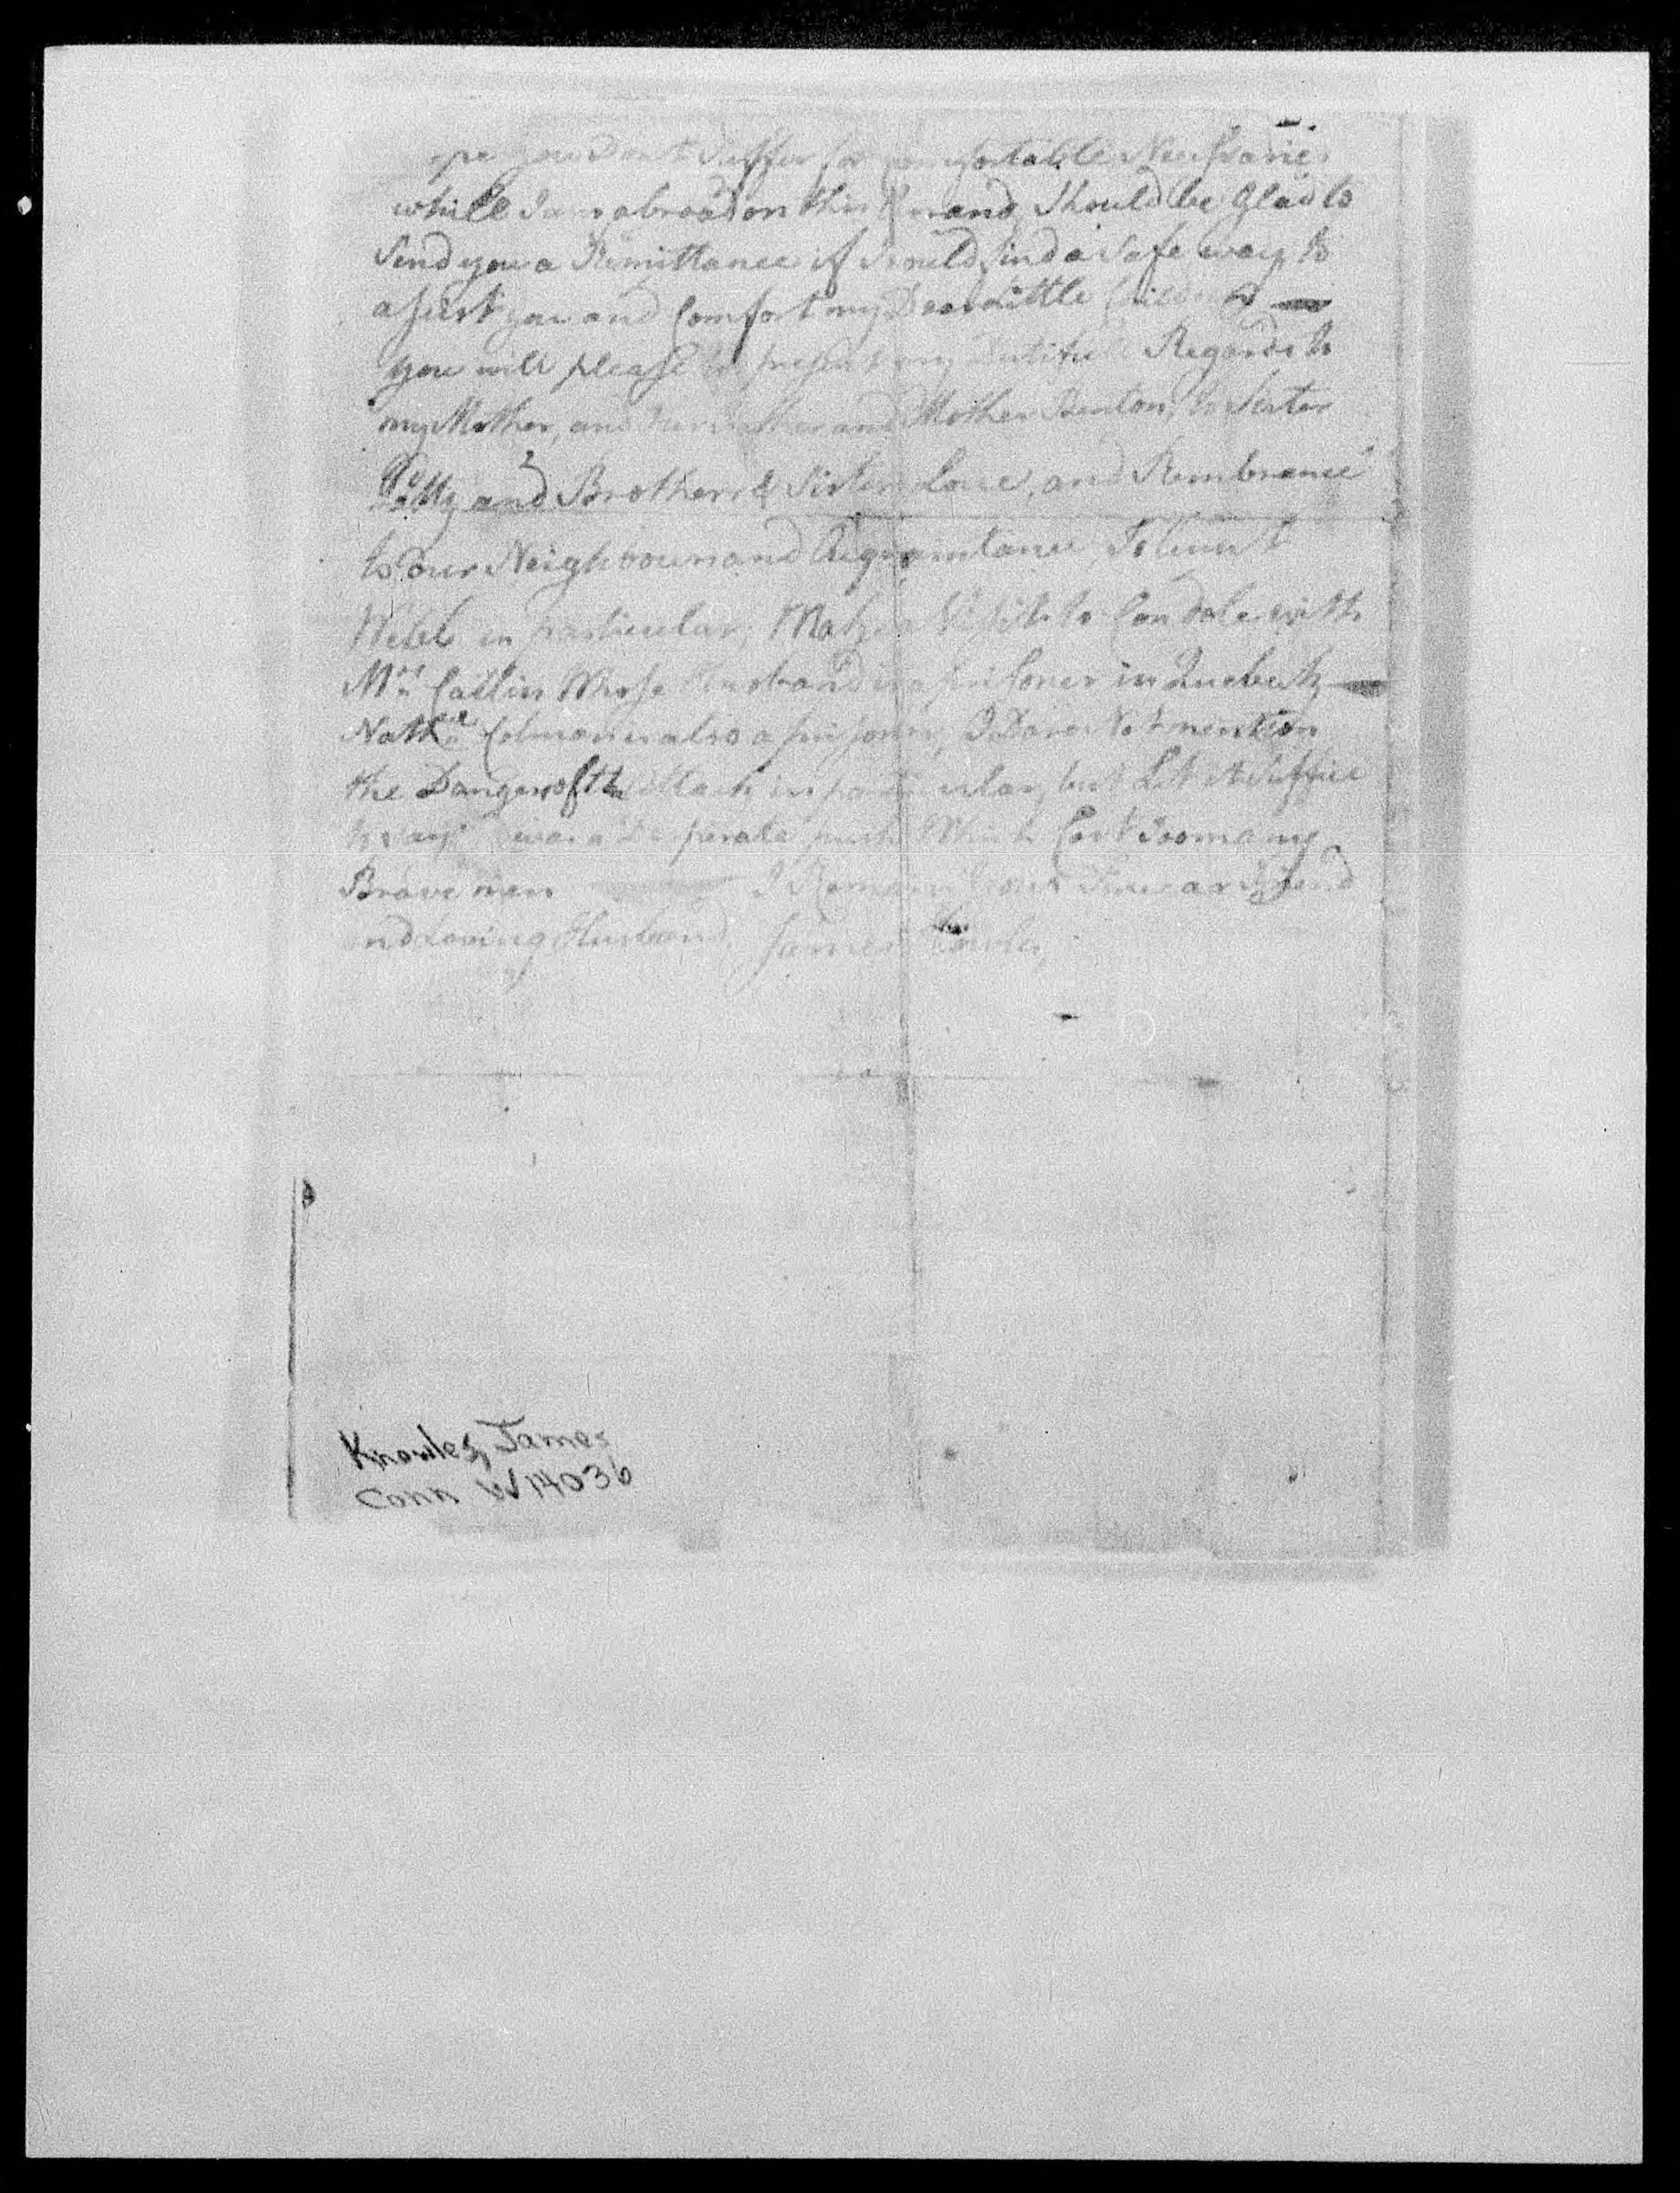(........... indicates illegible word or words)

hope you don't suffer for ....fortable ....
while I am abroad on this .....and Should be Glad to
send you a Remittance if I could find a safe way to
assist you and Comfort my Dear Little Children
you will please to ...........Regards to
my Mother, and her mother and Mother Benton & Sister Polly and Brother & Sister ......, and Rembrance
to out Neighbor and Acquaintance........
.......in particular.......................................with
Mrs. Callon Whose Husband is a prisoner in Quebec City Nathl. Colman is also a prisoner. I Dare not mention
the Dangers of the Attack in particular, but let it Suffice
to say .........past Which.......
Brave men..............................
and Loving Husband.  James Knowles



Knowles, James
Conn W 14036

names: [BLANK] Collin; James Knowles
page: 22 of 60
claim: widow's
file: W. 14,036, for James Knowles, Connecticut